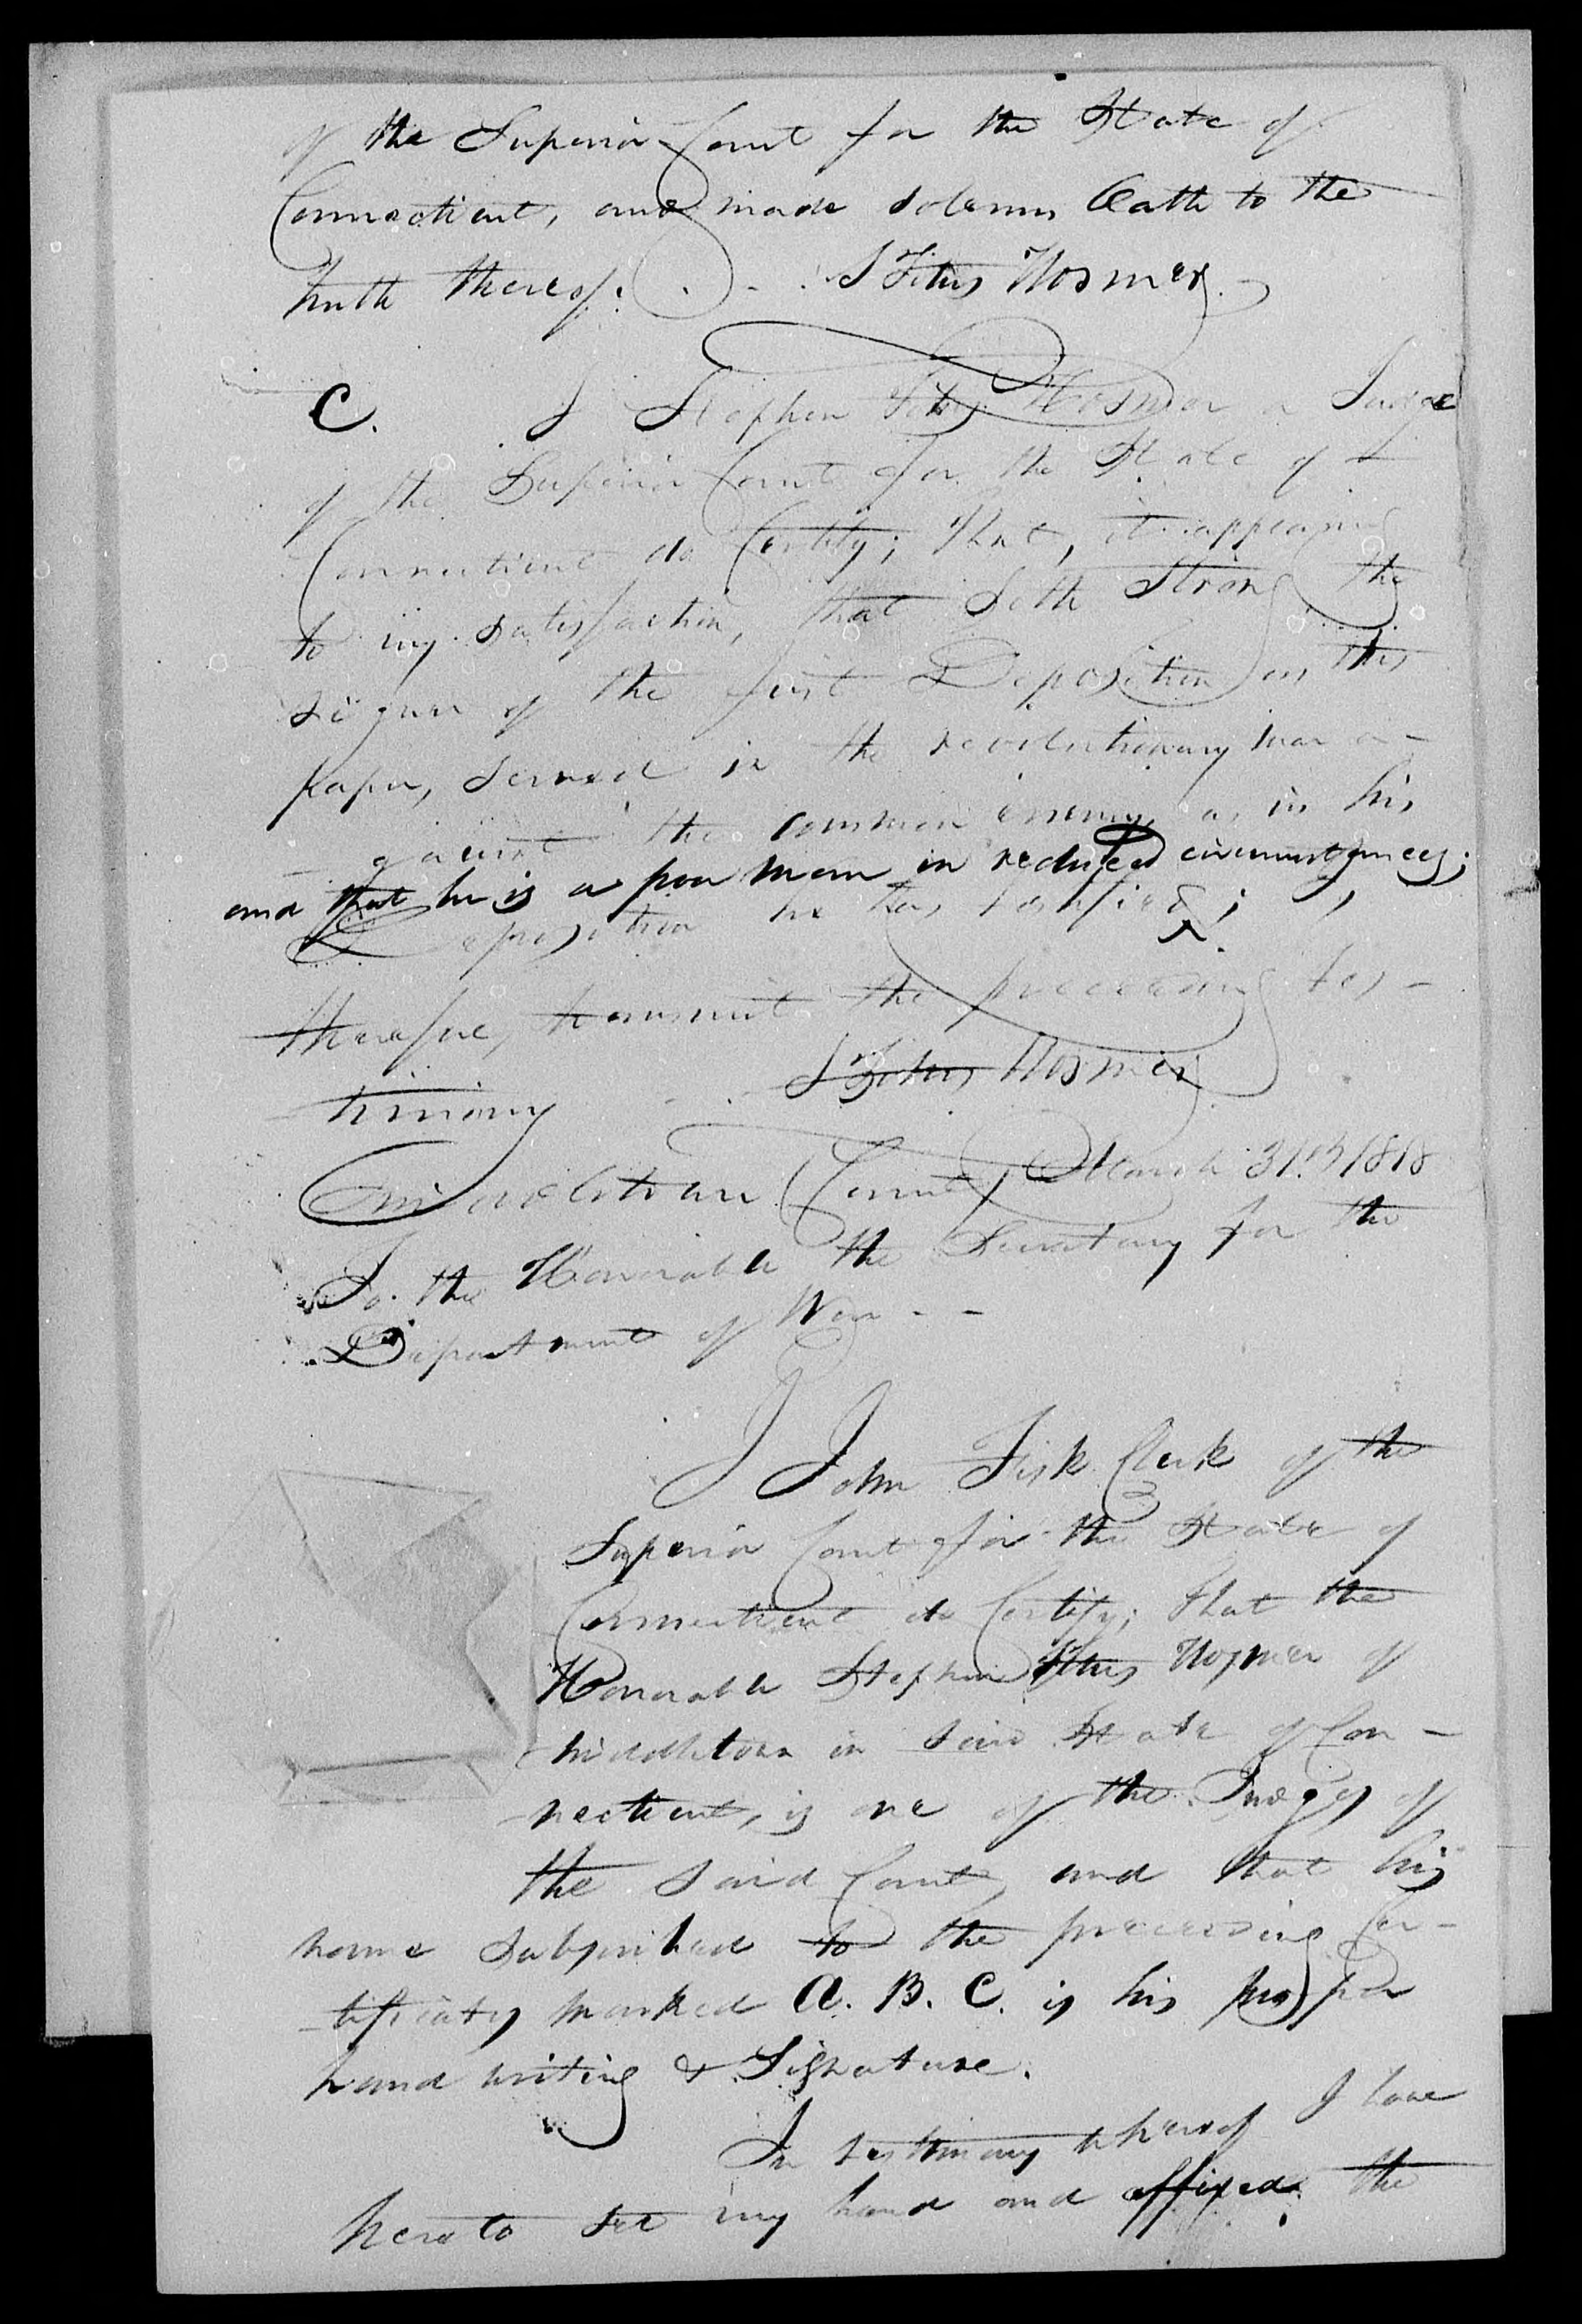of the Superior Court for the State of Connecticut, and made solemn Oath to the truth thereof. . . S Titus Hosmer 

C.   
I Stephen Titus Hosmer a Judge of the Superior Court for the State of Connecticut do Certify; That, it appearing to my satisfaction, that Seth Strong the signer of the first Deposition on this paper, served in the revolutionary War against the common enemy as in his Deposition he has testified; and that he is a poor man in reduced circumstances; I, therefore, transmit the preceeding testimony.
S Titus Hosmer 
Middletown (Court) March 31st 1818
To the Honorable the Secretary for the Department of War - -

[Folded piece of paper at left]

I John Fisk Clerk of the Superior Court for the State of Connecticut do Certify; that the Honorable Stephen Titus Hosmer of Middletown in Said State of Connecticut, is one of the Judges of the Said Court, and that his name & signature to the preceeding Certificates marked A. B. C. is his proper hand writing & Signature.

In testimony whereof I have hereto set my hand and affixed the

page: 5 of 47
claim: widow's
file: W. 17879, for Seth Strong, Connecticut